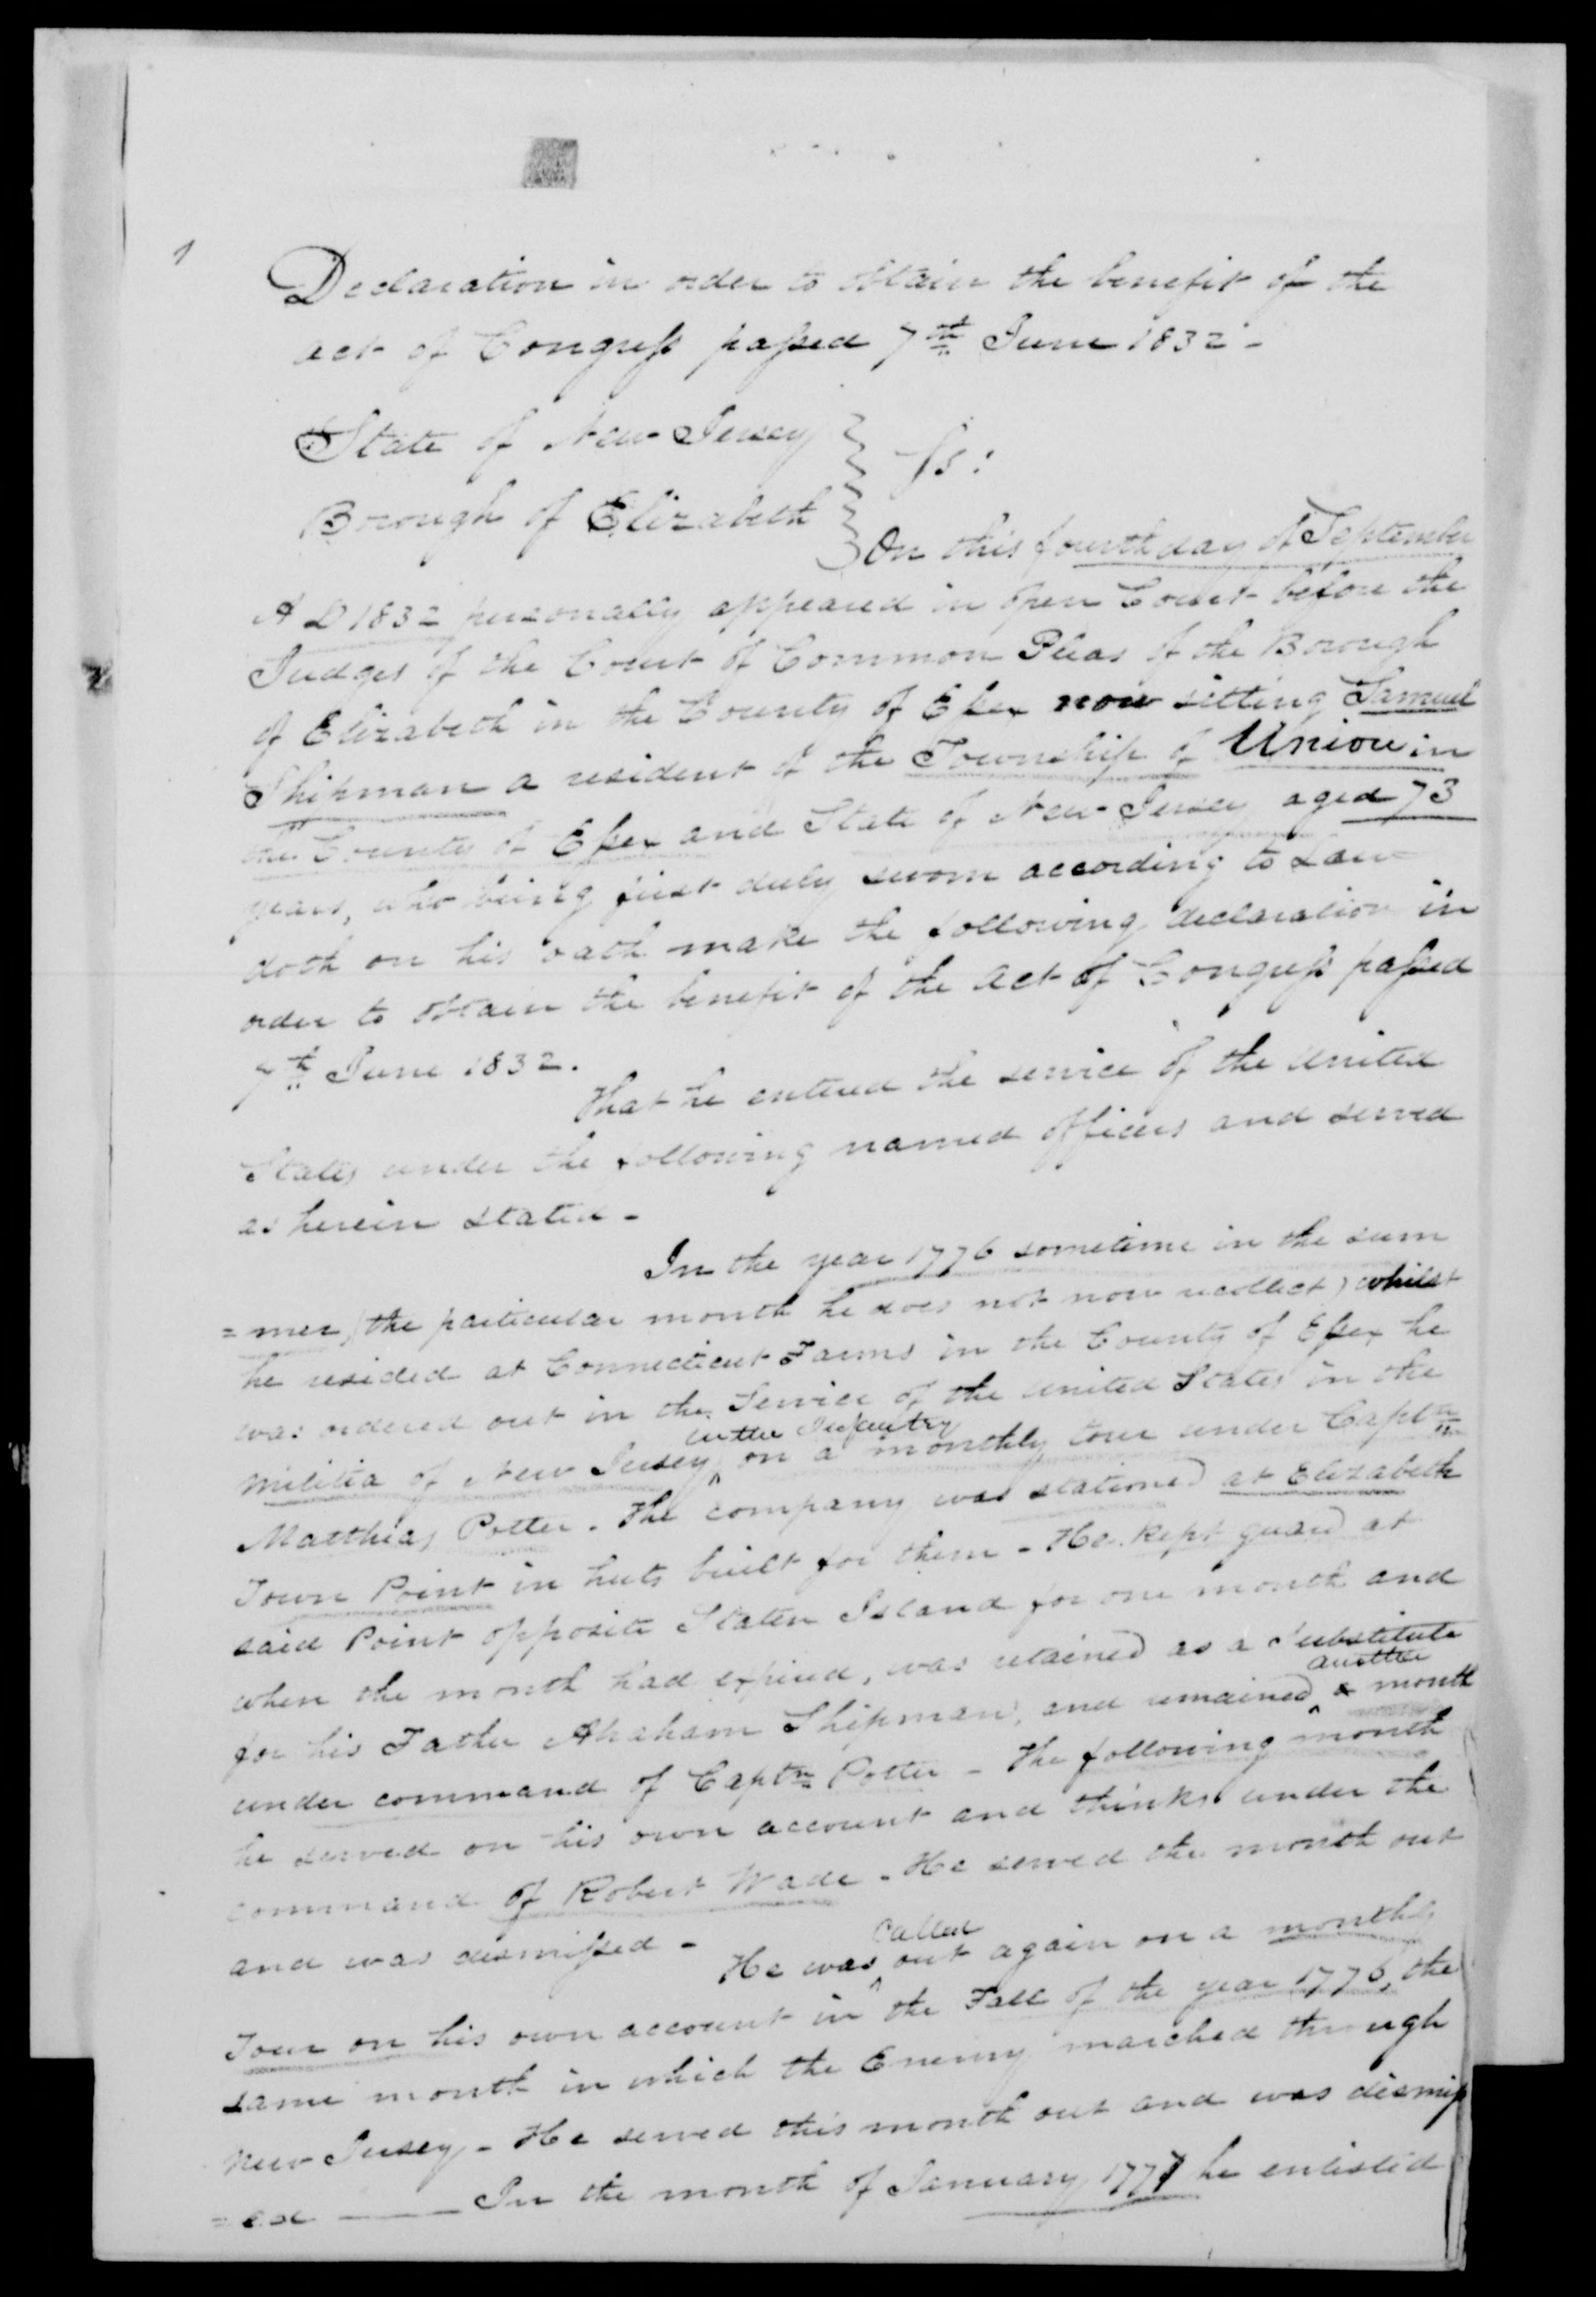Declaration in order to obtain the benefit of the act of Congress passed 7th June 1832-
State of New Jersey Borough of Elizabeth}Ss:
On this fourth day of September AD 1832 personally appeared in open Court before the Judges of the Court of Common Pleas of the Borough of Elizabeth in the County of Essex now sitting Samuel Shipman a resident of the Township of Union in said County of Essex and State of New Jersey aged 73 years, who being first duly sworn according to law doth on his oath make the following declaration in order to obtain the benefit of the Act of Congress passed 7th June 1832
    That he entered the service of the United States under the following named officers and served as herein stated -
    In the year 1776 sometime in the summer the particular month he does not now recollect whilst he resided at Connecticut Farms in the Cunty of Essex he was ordered out in the Service of he United States in the militia of New Jersey in the infantry on a monthly tour under Capt Matthias Potter. The company was stationed at Elizabeth Town Point in huts built for them. He kept guard at said point opposite Staten Island for one month and when the month had expired, was retained as a substitute for his father Abraham Shipman and remained another month under command of Captn. Potter - The following month he served on his own account and thinks under the command of Robert Wade.  He served the month out and was dismissed -
    He was called out again on a monthly tour on his own account in the fall of the year 1776, the same month in which the enemy marched through New Jersey. He served the month out and was dismissed -- In the month of January 1777 he enlisted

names: Robert Wade; Samuel Shipman; Matthias Potter; [BLANK] Potter; Abraham Shipman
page: 7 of 44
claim: survivor's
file: S. 912, for Samuel Shipman, New Jersey